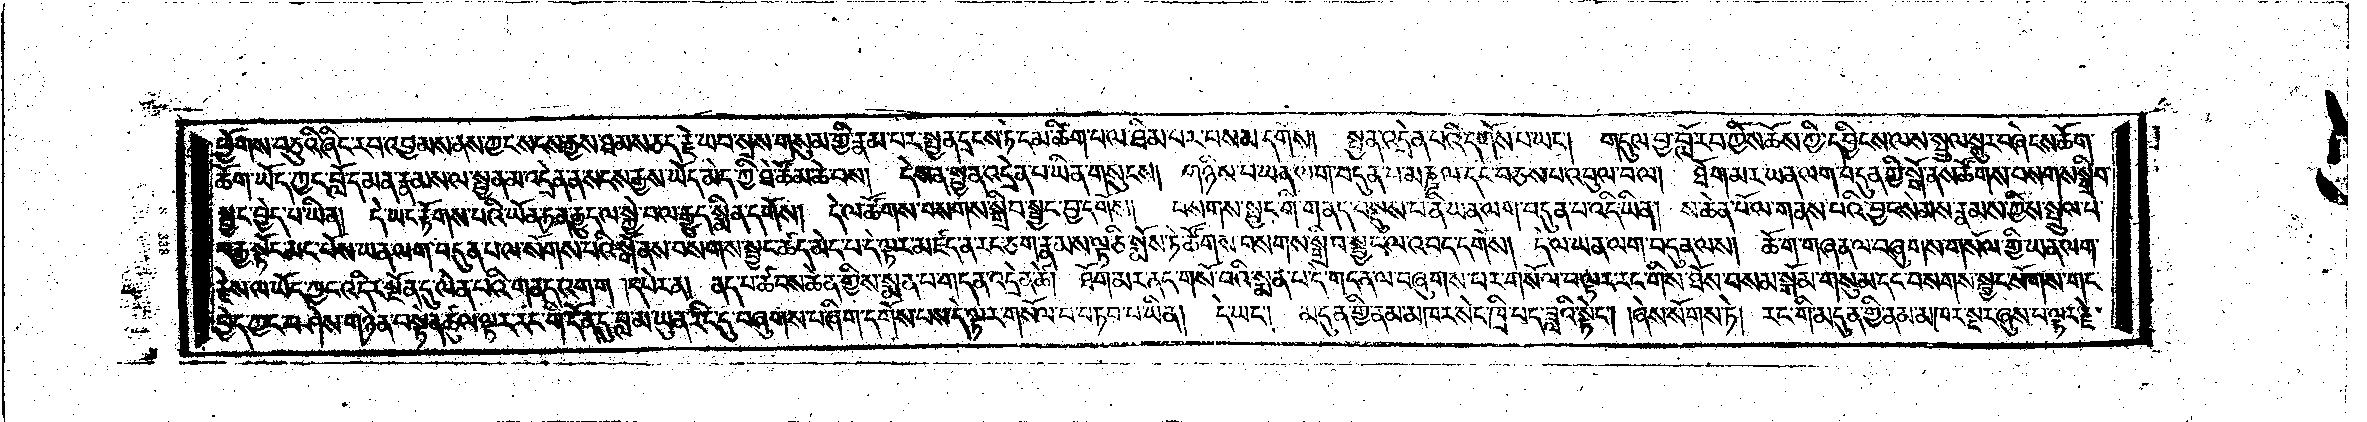ཕྱོགས་བཅུའི་ཞིང་རབ་འབྱམས་ནས་ཀྱང་སངས་རྒྱས་ཐམས་ཅད་རྗེ་ཡབ་སྲས་གསུམ་གྱི་རྣམ་པར་སྤྱན་དྲངས་ཏེ་དམ་ཚིག་པ་ལ་ཐིམ་པར་བསམ་དགོས། སྤྱན་འདྲེན་པའི་དགོས་པ་ཡང་། གདུལ་བྱ་བློ་རབ་ཀྱིས་ཆོས་ཀྱི་དབྱིངས་ལས་སྤྲུལ་སྐུར་བཞེངས་ཆོག་
ཆོག་ཡོད་ཀྱང་བློ་དམན་རྣམས་ལ་སྤྱན་མ་འདྲེན་ན་སངས་རྒྱས་ཡོད་མེད་ཀྱི་ཐེ་ཚོམ་ཆེ་བས། དེས་ན་སྤྱན་འདྲེན་པ་ཡིན་གསུངས། གཉིས་པ་ཡན་ལག་བདུན་པ་མཎྜལ་དང་བཅས་པ་འབུལ་བ་ལ། ཐོག་མར་ཡན་ལག་བདུན་གྱི་སྒོ་ནས་ཚོགས་བསགས་སྒྲིབ་
སྦྱང་བྱེད་པ་ཡིན། དེ་ཡང་རྟོགས་པའི་ཡོན་ཏན་རྒྱུད་ལ་སྐྱེ་བ་ལ་རྒྱུད་སྨིན་དགོས། དེ་ལ་ཚོགས་བསགས་སྒྲིབ་སྦྱང་བྱ་དགོས། བསགས་སྦྱང་གི་གནད་བསྡུས་པ་ནི་ཡན་ལག་བདུན་པ་འདི་ཡིན། ས་ཆེན་པོ་ལ་གནས་པའི་བྱང་སེམས་རྣམས་ཀྱིས་སྤྲུལ་པ་
བརྒྱ་སྟོང་མང་པོས་ཡན་ལག་བདུན་པ་ལ་སོགས་པའི་སྒོ་ནས་བསགས་སྦྱང་ཚད་མེད་པ་དེ་ལྟར་མཛད་ན་རང་ཅག་རྣམས་ལྟ་ཅི་སྨོས་ཏེ་ཚོགས་བསགས་སྒྲིབ་སྦྱང་ལ་འབད་དགོས། དེ་ལ་ཡན་ལག་བདུན་ལས། ཆོ་ག་གཞན་ལ་བཞུགས་གསོལ་གྱི་ཡན་ལག་
རྗེས་ལ་ཡོད་ཀྱང་འདིར་སྔོན་དུ་ལེན་པའི་གནད་འགག །དཔེར་ན། ནད་པ་ཚབས་ཆེན་གྱིས་སྨན་པ་གདན་འདྲེན་ཚེ། ཐོག་མར་ནད་གསོ་བའི་སྨན་པ་དེ་གདན་ལ་བཞུགས་པར་གསོལ་བ་ལྟར་རང་གིས་ཐོས་བསམ་སྒོམ་གསུམ་དང་བསགས་སྦྱང་སོགས་གང་
བྱེད་ཀྱང་བཤེས་གཉེན་བསྟེན་ཚུལ་ལྟར་རང་གི་དོན་དུ་བླ་མ་ཡུན་རིང་དུ་བཞུགས་པ་ཞིག་དགོས་པས་དེ་ལྟར་གསོལ་བ་བཏབ་པ་ཡིན། དེ་ཡང་། མདུན་གྱི་ནམ་མཁར་སེང་ཁྲི་པད་ཟླའི་སྟེང་། །ཞེས་སོགས་ཏེ། རང་གི་མདུན་གྱི་ནམ་མཁར་སྔར་ཞུས་པ་ལྟར་རྗེ་